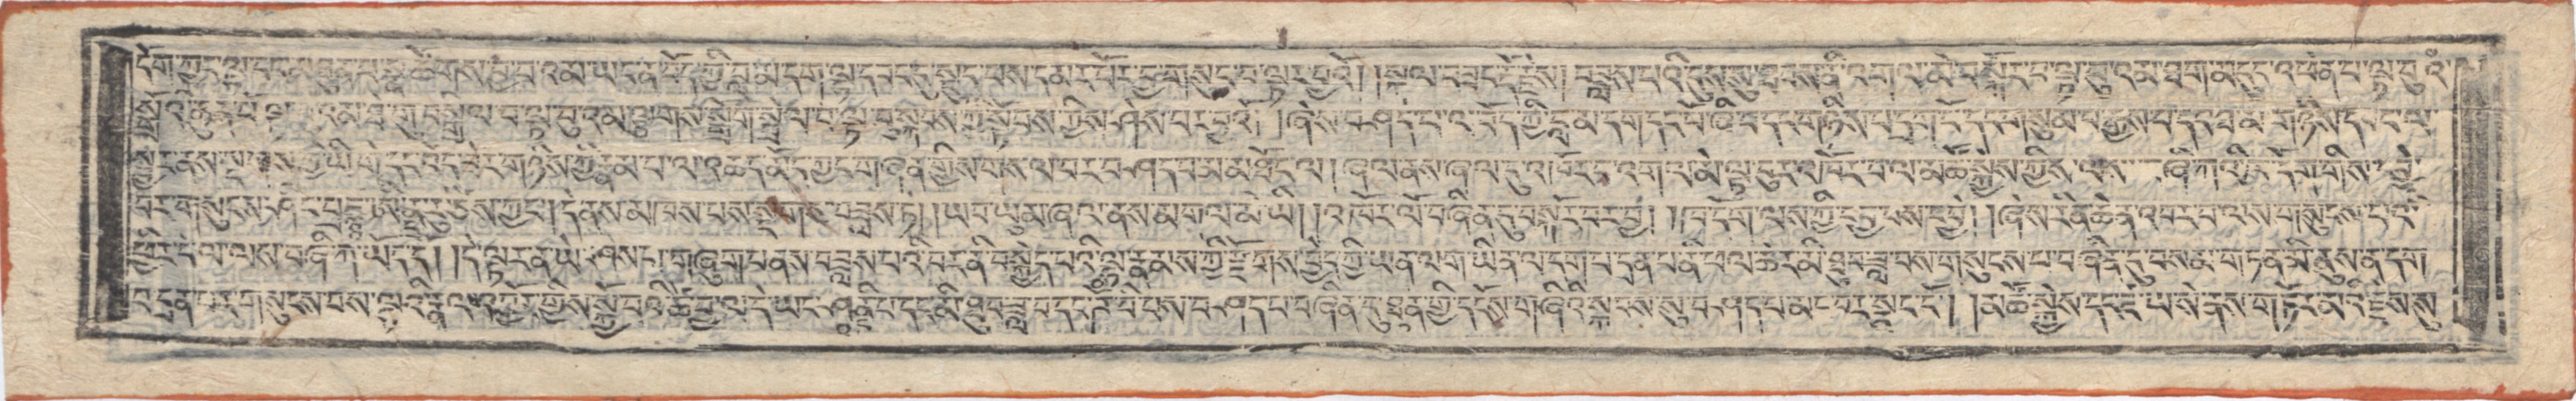དོག་ཀྱང་ལྷ་དང་མཐུན་པ་སྣ་ཚོགས་བྱ་བའམ་ཡང་ན་བོད་ཀྱི་བླ་མ་དག་ལྷ་དབང་དུ་སྡུད་པས་དམར་པོར་བྱ་གསུང་བ་ལྟར་བྱའོ། །སྐལ་བཟང་རྡོ་རྗེས། བཟླས་པའི་དུས་སུ་ཐབས་ནི་འགལ་མི་བསྐོར་བ་ལྟ་བུ་འམ་ཐག་མདུང་འཕེན་པ་ལྟ་བུ་འམ་
སྒྲོའི་ཆུན་པོ་ལྟ་བུའམ་ཐེ་གུ་བསྒྲིལ་བ་ལྟ་བུའམ་ལྕགས་སྒྲོག་སྦྲེལ་བ་ལྟ་བུ་སྐབས་ཀྱི་སྟོབས་ཀྱིས་ཤེས་པར་བྱའོ། །ཞེས་བཤད་པ་ལ་བོད་ཀྱི་བླ་མ་དག་དང་པོ་ཞི་བ་དང་གཉིས་པ་དྲག་པོ་དང་གསུམ་པ་རྒྱས་པ་དང་ཐ་མ་གཉིས་དབང་ལ་
སྦྱར་ནས་སྔགས་ཀྱི་ཡི་གེ་དང་འོད་ཟེར་གཉིས་ཀྱི་རྣམ་པ་ལ་འཆད་མོད་ཀྱང་གཞན་གྱིས་གསལ་བར་བཤད་པ་མ་མཐོང་ལ། ཞལ་ནས་ཞལ་དུ་འཁོར་བ་འགལ་མེ་ལྟ་བུར་འཁོར་བ་ལ་མཚོ་སྐྱེས་ཀྱིས་ལས་ཞི་ཀའི་ཁ་དོག་གིས་དབྱེ་
བར་གསུངས་ཤིང་པྲཛྙཱ་ཨིནྡྲ་རུ་ཙིས་ཀྱང་། དེ་ནས་མཁས་པས་སྔགས་བཟླས་ཏེ། །ཡབ་ཡུམ་ཞལ་ནས་མགལ་མེ་ཡི། །འཁོར་ལོ་བཞིན་དུ་བསྐོར་བར་བྱ། །ཁ་དོག་ལས་ཀྱི་དབྱེ་བས་དབྱེ། །ཞེས་རིན་ཆེན་འབར་བ་ལས་གསུངས་པའི་
ཕྱིར་དེ་ལ་ལས་བཞི་ཀ་ཡོད་དོ། །དེ་ལྟར་ན་ཡེ་ཤེས་པ་གཞུག་པ་ནས་བཟླས་པའི་བར་ནི་བསྐྱེད་པའི་ལྷ་རྣམས་ཀྱི་རྫོགས་བྱེད་ཀྱི་ཡན་ལག་ཡིན་ལ་དག་པ་དྲན་པ་ནི་ཕལ་ཆེར་མི་ཐུབ་ཟླ་བས་གསུངས་པ་བཞིན་དུ་བསམ་གཏན་མི་ནུས་ན་དག་
པ་དྲན་པར་གསུངས་པས་ལྷའི་རྣལ་འབྱོར་གྱིས་སྐྱོ་བའི་ཚེ་བྱ་ལ་དེ་ཡང་ཤཱནྟི་པ་དང་མི་ཐུབ་ཟླ་བ་དང་ཌོཾ་བི་པས་བཤད་པ་བཞིན་དུ་ཐུན་གྱི་དངོས་གཞིའི་སྐབས་སུ་བཤད་པ་མང་བར་སྣང་ངོ། །མཚོ་སྐྱེས་དང་ཛ་ཡ་སེ་ནས་གཏོར་མའི་རྗེས་ས་